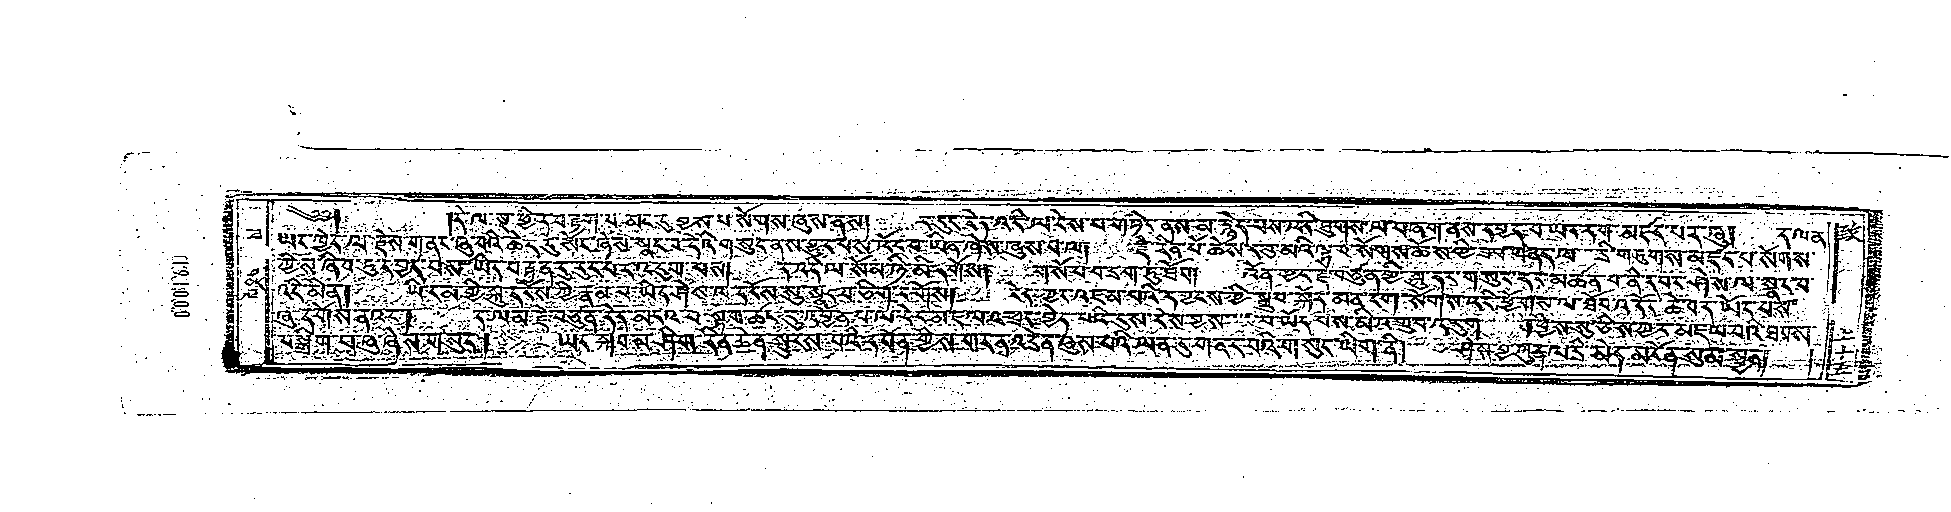༄༅། །དེ་ལ་སྔ་ཕྱིར་བརྟག་པ་མང་དུ་བྱས་པ་སོགས་ཞུས་ནས། ད་དུང་ངེད་འདི་ལ་ངེས་པ་གཏིང་ནས་མ་རྙེད་པས་འདི་ཐུགས་ལ་བཞག་ནས་དབྱད་པ་ཡང་དག་མཛད་པར་ཞུ། ད་ལན་
ཡང་ཁྱེད་ལ་རྗེས་གནང་ཞུ་བའི་ཆེད་དུ་སོང་ཞེས་སྣང་བ་དེའི་གསུང་ནས་བྱུང་པས་འོང་བ་ཡིན་ཞེས་ཞུས་པ་ལ། རྗེ་རིན་པོ་ཆེས་དབུ་མའི་ལྟ་བ་སོགས་ཆོས་ཀྱི་ཟབ་གནད་ལ་འདྲི་གཏུགས་མཛད་པ་སོགས་
ཀྱིས་ཞིབ་ཏུ་དབྱད་པས་ཡིད་བརྟན་དུ་རུང་བར་འདུག་པས། ད་འདི་ལ་སོམ་ཉི་མི་དགོས། གསོལ་བ་དྲག་དུ་ཐོབ། འོན་ཀྱང་རྗེ་བཙུན་གྱི་སྐུ་དང་གསུང་དང་མཚན་པ་ནི་དབང་ཤེས་ལ་སྣང་བ་
འདི་མིན། ཡི་དམ་གྱི་སྐུ་དངོས་ཀྱི་རྣམ་པ་ཡིད་ཤེས་ལ་དངོས་སུ་སྣང་བ་ཅིག་དགོས། ངེད་ཀྱང་འཇམ་པའི་དབྱངས་ཀྱི་སྒྲུབ་བསྐོར་མན་ངག་སོགས་འདི་ཕྱོགས་ལ་ཐོབ་འདོད་ཆེ་བར་ཡོང་པས་
ཞུ་དགོས་ནའང་། ད་ལམ་རྗེ་བཙུན་རེད་མངའ་བ་སྟག་ཚང་དུ་འབྱོན་པ་ལ་དེང་མཇལ་འཕྲད་བྱེད་པའི་དུས་ངེས་བྱས་པ་ཡོད་པས་མི་འགྲུབ་འདུག །ཕྱིས་སུ་ཅིས་ཀྱང་མཇལ་བའི་ཐབས་
བསྒྲིག་པ་ཞུ་ཞེས་གསུང་། ཡང་སྐབས་ཤིག་རིན་ཆེན་སྤུངས་བའི་དཔོན་གྱིས་གདན་འདྲན་ཞས་པའི་ལན་དུ་གནད་པའི་གསུང་ཡིག་ནི། ཤེས་བྱ་ཀུན་ལ་དྲི་མེད་མངོན་སུམ་སྤྱན། །